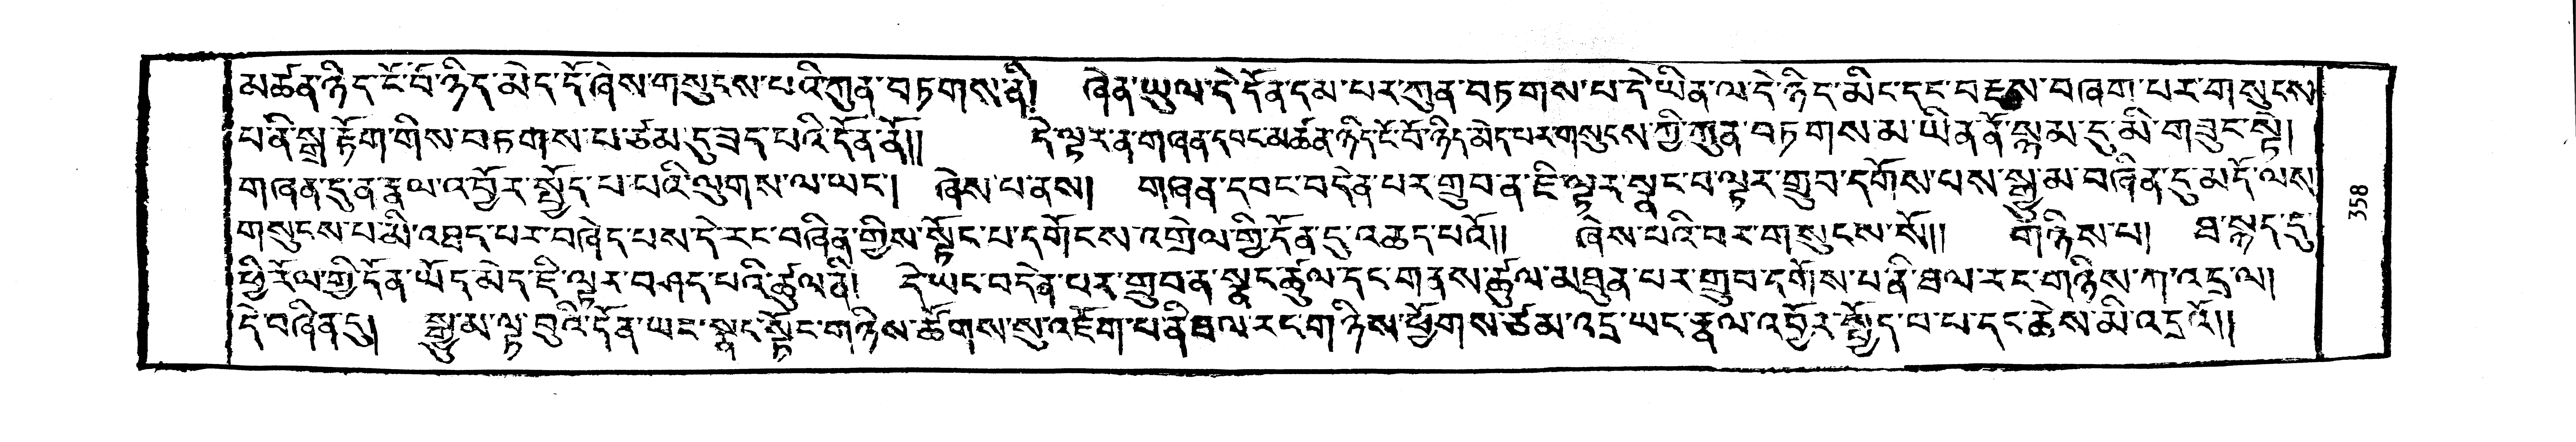མཚན་ཉིད་ངོ་བོ་ཉིད་མེད་དོ་ཞེས་གསུངས་པའི་ཀུན་བཏགས་ནི། ཞེན་ཡུལ་དེ་དོན་དམ་པར་ཀུན་བཏགས་པ་དེ་ཡིན་ལ་དེ་ཉིད་མིང་དང་བརྡས་བཞག་པར་གསུངས་
པ་ནི་སྒྲ་རྟོག་གིས་བཏགས་པ་ཙམ་དུ་ཟད་པའི་དོན་ནོ།། དེ་ལྟར་ན་གཞན་དབང་མཚན་ཉིད་ངོ་བོ་ཉིད་མེད་པར་གསུངས་ཀྱི་ཀུན་བཏགས་མ་ཡིན་ནོ་སྙམ་དུ་མི་གཟུང་སྟེ།
གཞན་དུ་ན་རྣལ་འབྱོར་སྤྱོད་པ་པའི་ལུགས་ལ་ཡང་། ཞེས་པ་ནས། གཞན་དབང་བདེན་པར་གྲུབ་ན་ཇི་ལྟར་སྣང་བ་ལྟར་གྲུབ་དགོས་པས་སྒྱུ་མ་བཞིན་དུ་མདོ་ལས་
གསུངས་པ་མི་འཐད་པར་བཞེད་པས་དེ་རང་བཞིན་གྱིས་སྟོང་པ་དགོངས་འགྲེལ་གྱི་དོན་དུ་འཆད་པའོ།། ཞེས་པའི་བར་གསུངས་སོ།། གཉིས་པ། ཐ་སྙད་དུ་
ཕྱི་རོལ་གྱི་དོན་ཡོད་མེད་ཇི་ལྟར་བཤད་པའི་ཚུལ་ནི། དེ་ཡང་བདེན་པར་གྲུབ་ན་སྣང་ཚུལ་དང་གནས་ཚུལ་མཐུན་པར་གྲུབ་དགོས་པ་ནི་ཐལ་རང་གཉིས་ཀ་འདྲ་ལ།
དེ་བཞིན་དུ། སྒྱུ་མ་ལྟ་བུའི་དོན་ཡང་སྣང་སྟོང་གཉིས་ཚོགས་སུ་འཇོག་པ་ནི་ཐལ་རང་གཉིས་ཕྱོགས་ཙམ་འདྲ་ཡང་རྣལ་འབྱོར་སྤྱོད་པ་བ་དང་ཆེས་མི་འདྲའོ།།